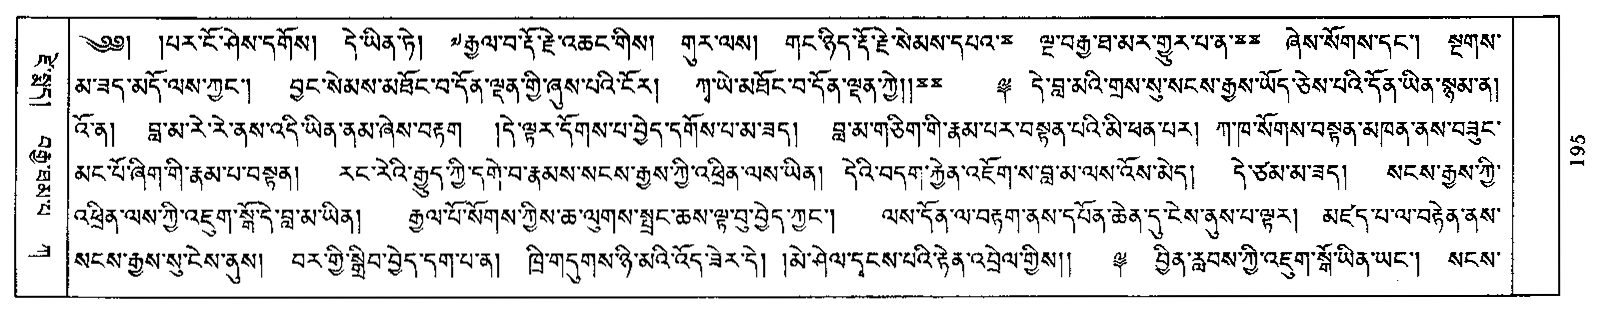༄༅། །པར་ངོ་ཤེས་དགོས། དེ་ཡིན་ཏེ། ༧རྒྱལ་བ་རྡོ་རྗེ་འཆང་གིས། གུར་ལས། གང་ཉིད་རྡོ་རྗེ་སེམས་དཔའ་ལྔ་བརྒྱ་ཐ་མར་གྱུར་པ་ན་ཞེས་སོགས་དང་། སྔགས་
མ་ཟད་མདོ་ལས་ཀྱང་། བྱང་སེམས་མཐོང་བ་དོན་ལྡན་གྱི་ཞུས་པའི་ངོར། ཀྭ་ཡེ་མཐོང་བ་དོན་ལྡན་ཀྱེ།། ༈ དེ་བླ་མའི་གྲས་སུ་སངས་རྒྱས་ཡོད་ཅེས་པའི་དོན་ཡིན་སྙམ་ན།
འོ་ན། བླ་མ་རེ་རེ་ནས་འདི་ཡིན་ནམ་ཞེས་བརྟག །དེ་ལྟར་དོགས་པ་བྱེད་དགོས་པ་མ་ཟད། བླ་མ་གཅིག་གི་རྣམ་པར་བསྟན་པའི་མི་ཕན་པར། ཀ་ཁ་སོགས་བསྟན་མཁན་ནས་བཟུང་
མང་པོ་ཞིག་གི་རྣམ་པ་བསྟན། རང་རེའི་རྒྱུད་ཀྱི་དགེ་བ་རྣམས་སངས་རྒྱས་ཀྱི་འཕྲིན་ལས་ཡིན། དེའི་བདག་རྐྱེན་འཇོག་ས་བླ་མ་ལས་འོས་མེད། དེ་ཙམ་མ་ཟད། སངས་རྒྱས་ཀྱི་
འཕྲིན་ལས་ཀྱི་འཇུག་སྒོ་དེ་བླ་མ་ཡིན། རྒྱལ་པོ་སོགས་ཀྱིས་ཆ་ལུགས་སྤྲང་ཆས་ལྟ་བུ་བྱེད་ཀྱང་། ལས་དོན་ལ་བརྟག་ནས་དཔོན་ཆེན་དུ་ངེས་ནུས་པ་ལྟར། མཛད་པ་ལ་བརྟེན་ནས་
སངས་རྒྱས་སུ་ངེས་ནུས། བར་གྱི་སྒྲིབ་བྱེད་དག་པ་ན། ཁྲི་གདུགས་ཉི་མའི་འོད་ཟེར་དེ། །མེ་ཤེལ་དྭངས་པའི་རྟེན་འབྲེལ་གྱིས།། ༈ བྱིན་རླབས་ཀྱི་འཇུག་སྒོ་ཡིན་ཡང་། སངས་